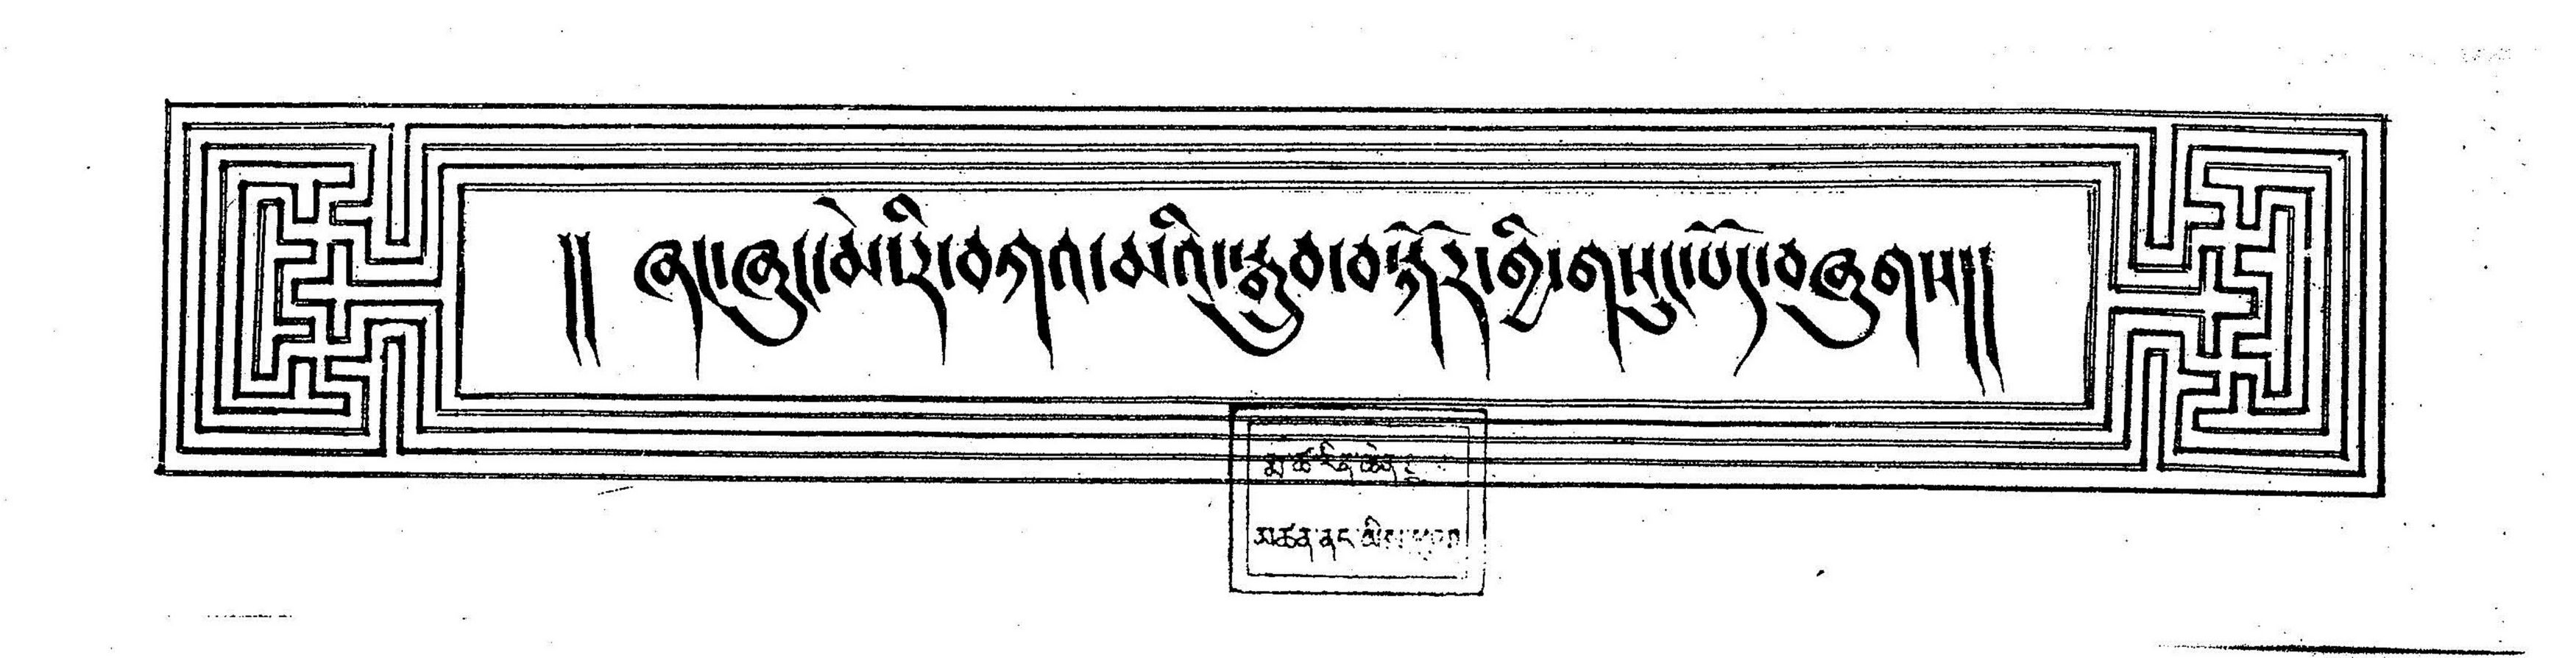།། ཞང་ཞུང་མེ་རི་བཀའ་མའི་སྒྲུབ་བསྐོར་གྱི་གསུང་པོད་བཞུགས།